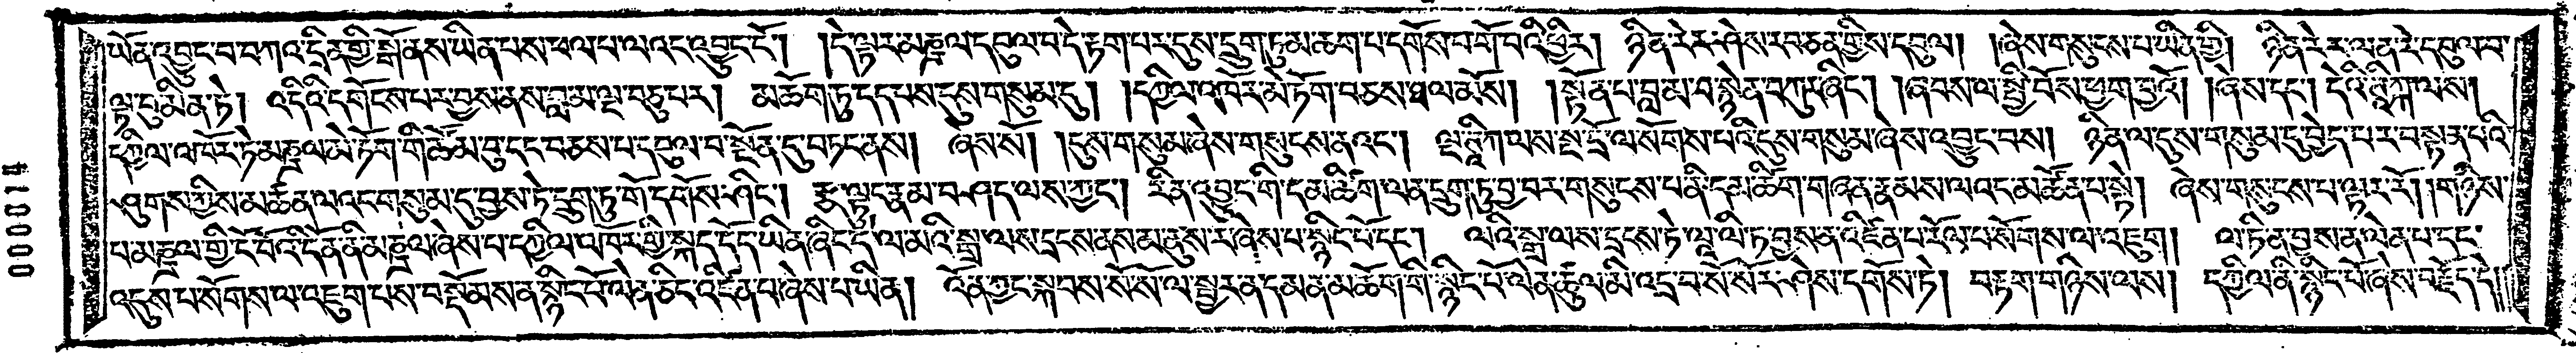ཡོན་འབྱུང་བ་བཀའ་དྲིན་གྱི་སྒོ་ནས་ཡིན་པས་ཕལ་པ་ལའང་འབྱུང་ངོ། །དེ་ལྟར་མཎྜལ་དབུལ་བདེ་རྟག་པར་དུས་དྲུག་ཏུ་མཆག་པ་དགོས་པ་གོ་བའི་ཕྱིར། ཉིན་རེར་ཤེས་རབ་ཅན་གྱིས་དབུལ། །ཞེས་གསུངས་པ་ཡིན་གྱི། ཉིན་རེར་ལན་རེ་དབུལ་བ་
ལྟ་བུ་མིན་ཏེ། འདིའི་དགོངས་པར་བྱས་ནས་བླ་མ་ལྔ་བཅུ་བར། མཆོག་ཏུ་དད་པས་དུས་གསུམ་དུ། །དཀྱིལ་འཁོར་མེ་ཏོག་བཅས་ཐལ་མོས། །སྟོན་པ་བླ་མ་བསྙེན་བཀུར་ཞིང་། །ཞབས་ལ་སྦྱི་བོས་ཕྱག་བྱའོ། །ཞེས་དང་། དེའི་ཊཱིཀྐ་ལས།
དཀྱིལ་འཁོར་ཏེ་མཎྜལ་མེ་ཏོག་གི་ཚོམ་བུ་དང་བཅས་པ་དབུལ་བ་སྔོན་དུ་བཏང་ནས། ཞེས་སོ། །དུས་གསུམ་ཞེས་གསུངས་ནའང་། ལྔ་ཊཱིཀ་ལས་སྔ་དྲོ་ལ་སོགས་པའི་དུས་གསུམ་ཞེས་འབྱུང་བས། ཉིན་ལ་དུས་གསུམ་དུ་བྱེད་པར་བསྟན་པའི་
ཤུགས་ཀྱིས་མཚན་ལའང་གསུམ་དུ་བྱས་ཏེ་དྲུག་ཏུ་གོ་དགོས་ཤིང་། རྩ་ལྟུང་རྣམ་བཤད་ལས་ཀྱང་། རིན་འབྱུང་གི་དམ་ཚིག་ལན་དྲུག་ཏུ་བྱ་བར་གསུངས་པ་ནི་དམ་ཚིག་གཞན་རྣམས་ལའང་མཚོན་པ་སྟེ། ཞེས་གསུངས་པ་ལྟར་རོ། །གཉིས་
པ་མཎྜལ་གྱི་ངོ་བོའི་དོན་ནི་མཎྜལ་ཞེས་པ་དཀྱིལ་འཁྲོ་གྱི་སྐད་དོད་ཡིན་ཞིང་དེ་ལམཱི་སྒྲ་ལས་དྲངས་ནས་མ་ནུས་ར་ཞེས་པ་སྙིང་པོ་དང་། ལའི་སྒྲ་ལས་དྲངས་ཏེ་ལཱ་ལི་ཏ་བྱས་ན་འཛིན་པ་རོལ་བ་སོགས་ལ་འཇུག། ལ་ཏིན་བྱས་ན་ལེན་པ་དང་
འདུས་པ་སོགས་ལ་འཇུག་པས་བསྡོམས་ན་སྙིང་པོ་ལེན་ཅིང་འཛིན་པ་ཞེས་པ་ཡིན། འོན་ཀྱང་སྐབས་སོ་སོ་ལ་སྦྱར་ན་དམན་མཆོག་གི་སྙིང་པོ་ལེན་ཚུལ་མི་འདྲ་བ་སོ་སོར་ཤེས་དགོས་ཏེ། བརྟག་གཉིས་ལས། དཀྱིལ་ནི་སྙིང་པོ་ཞེས་བརྗོད་དེ།